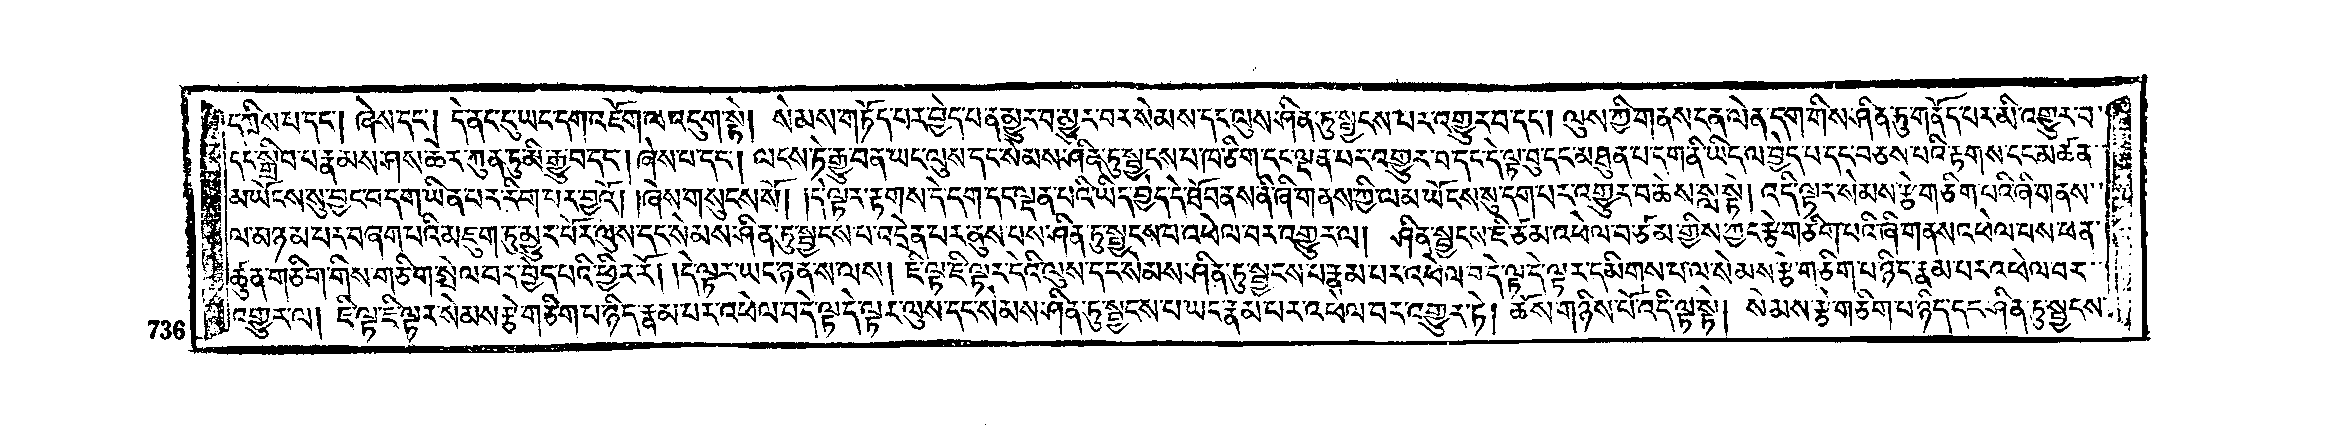དཀྲིས་པ་དང་། ཞེས་དང་། དེ་ནང་དུ་ཡང་དག་འཇོག་ལ་འདུག་སྟེ། སེམས་གཏོད་པར་བྱེད་པ་ན་མྱུར་བ་མྱུར་བར་སེམས་དང་ལུས་ཤིན་ཏུ་སྦྱངས་པར་འགྱུར་བ་དང་། ལུས་ཀྱི་གནས་ངན་ལེན་དག་གིས་ཤིན་ཏུ་གནོད་པར་མི་འགྱུར་བ་
དང་སྒྲིབ་པ་རྣམས་ཤས་ཆེར་ཀུན་ཏུ་མི་རྒྱུ་པ་དང་། ཞེས་པ་དང་། ལངས་ཏེ་རྒྱུ་བ་ན་ཡང་ལུས་དང་སེམས་ཤིན་ཏུ་སྦྱངས་པ་ཁ་ཅིག་དང་ལྡན་པར་འགྱུར་བ་དང་དེ་ལྟ་བུ་དང་མཐུན་པ་དག་ནི་ཡིད་ལ་བྱེད་པ་དང་བཅས་པའི་རྟགས་དང་མཚན་
མ་ཡོངས་སུ་བྱང་བ་དག་ཡིན་པར་རིག་པར་བྱའོ། །ཞེས་གསུངས་སོ། །དེ་ལྟར་རྟགས་དེ་དག་དང་ལྡན་པའི་ཡིད་བྱེད་དེ་ཐོབ་ནས་ནི་ཞི་གནས་ཀྱི་ལམ་ཡོངས་སུ་དག་པར་འགྱུར་བ་ཆེས་སླ་སྟེ། འདི་ལྟར་སེམས་རྩེ་གཅིག་པའི་ཞི་གནས་
ལ་མཉམ་པར་བཞག་པའི་མཇུག་ཏུ་མྱུར་པོར་ལུས་དང་སེམས་ཤིན་ཏུ་སྦྱངས་པ་འདྲེན་པར་ནུས་པས་ཤིན་ཏུ་སྦྱངས་པ་འཕེལ་བར་འགྱུར་ལ། ཤིན་སྦྱངས་ཇི་ཙམ་འཕེལ་བ་ཙམ་གྱིས་ཀྱང་རྩེ་གཅིག་པའི་ཞི་གནས་འཕེལ་བས་ཕན་
ཚུན་གཅིག་གིས་གཅིག་སྤེལ་བར་བྱེད་པའི་ཕྱིར་རོ། །དེ་ལྟར་ཡང་ཉན་ས་ལས། ཇི་ལྟ་ཇི་ལྟར་དེའི་ལུས་དང་སེམས་ཤིན་ཏུ་སྦྱངས་པ་རྣམ་པར་འཕེལ་བ་དེ་ལྟ་དེ་ལྟར་དམིགས་པ་ལ་སེམས་རྩེ་གཅིག་པ་ཉིད་རྣམ་པར་འཕེལ་བར་
འགྱུར་ལ། ཇི་ལྟ་ཇི་ལྟར་སེམས་རྩེ་གཅིག་པ་ཉིད་རྣམ་པར་འཕེལ་བ་དེ་ལྟ་དེ་ལྟར་ལུས་དང་སེམས་ཤིན་ཏུ་སྦྱངས་པ་ཡང་རྣམ་པར་འཕེལ་བར་འགྱུར་ཏེ། ཆོས་གཉིས་པོ་འདི་ལྟ་སྟེ། སེམས་རྩེ་གཅིག་པ་ཉིད་དང་ཤིན་ཏུ་སྦྱངས་